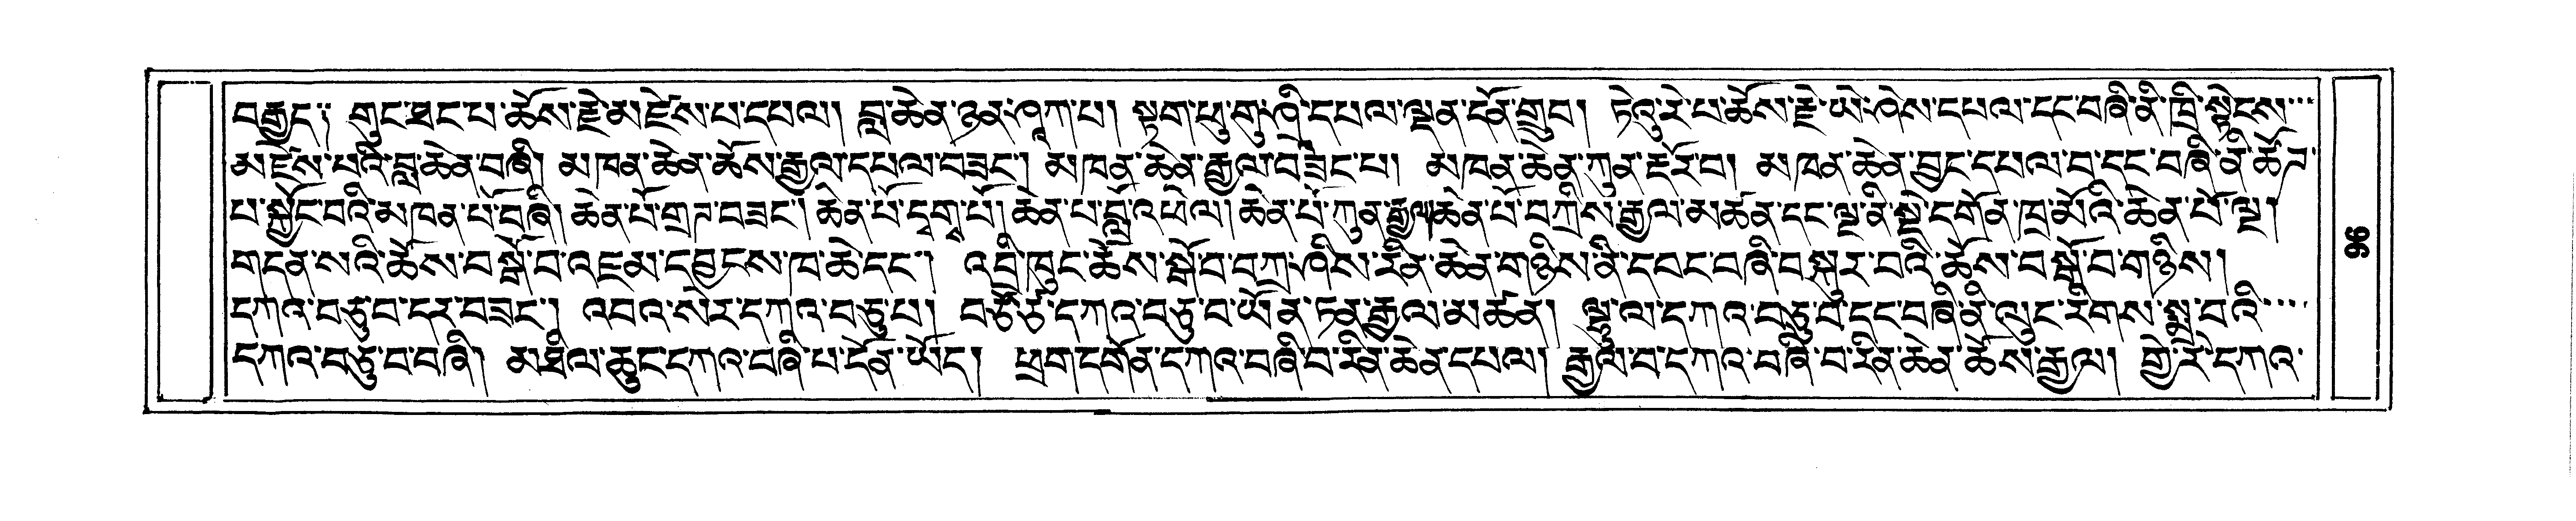བརྒྱད༑ གུང་ཐང་པ་ཆོས་རྗེ་མཛེས་པ་དཔལ། བླ་ཆེན་ཉན་ཤཱཀ་པ། སྟག་ཕུ་གུ་ཤྲཱི་དཔལ་ལྡན་དོན་གྲུབ། ཏེའུ་རེ་པ་ཆོས་རྗེ་ཡེ་ཤེས་དཔལ་དང་བཞི་ནི་ཁྲི་སྟེངས་
མཛེས་པའི་བླ་ཆེན་བཞི། མཁན་ཆེན་ཆོས་རྒྱལ་དཔལ་བཟང་། མཁན་ཆེན་རྒྱལ་བཟང་པ། མཁན་ཆེན་ཀུན་རྡོར་བ། མཁན་ཆེན་བྱང་དཔལ་བ་དང་བཞི་ནི་ཚོཊ་
པ་སྐྱོང་བའི་མཁན་པོ་བཞི། ཆེན་པོ་གྲཊ་བཟང་། ཆེན་པོ་དྭགས་པོ། ཆེན་པ་བློ་འཕེལ། ཆེན་པོ་ཀུན་རྒྱལ། ཆེན་པོ་བཀྲིས་རྒྱལ་མཚན་དང་ལྔ་ནི་སྡེ་དགོན་ཁྲ་མོའི་ཆེན་པོ་ལྔ།
གདན་སའི་ཆོས་བསྒོ་བ་འཇམ་དབྱངས་ཁ་ཆེ་དང་། འབྲི་ཁུང་ཆོས་སྒོ་བ་བཀྲ་ཤིས་རིན་ཆེན་གཉིས་ནི་དབང་བཞི་བསྐུར་བའི་ཆོས་བསྒོ་བ་གཉིས།
དཀའ་བཅུ་བ་དར་བཟང་། འབའ་སེར་དཀའ་བཅུ་པ། བཙ་ཙ་དཀའ་བཅུ་བ་ཡོན་ཏན་རྒྱལ་མཚན། ལྷུ་ལ་དཀའ་བཅུ་བ་དང་བཞི་ནི་ལུང་རིགས་སྨྲ་བའི་
དཀའ་བཅུ་བ་བཞི། མཐིལ་ཆུང་དཀའ་བཞི་པ་དོན་ཡོད། ཕྲག་དགོན་དཀའ་བཞི་བ་རིན་ཆེན་དཔལ། རྒྱལ་བ་དཀའ་བཞི་བ་རིན་ཆེན་ཆོས་རྒྱལ། གྱེ་རེ་དཀའ་